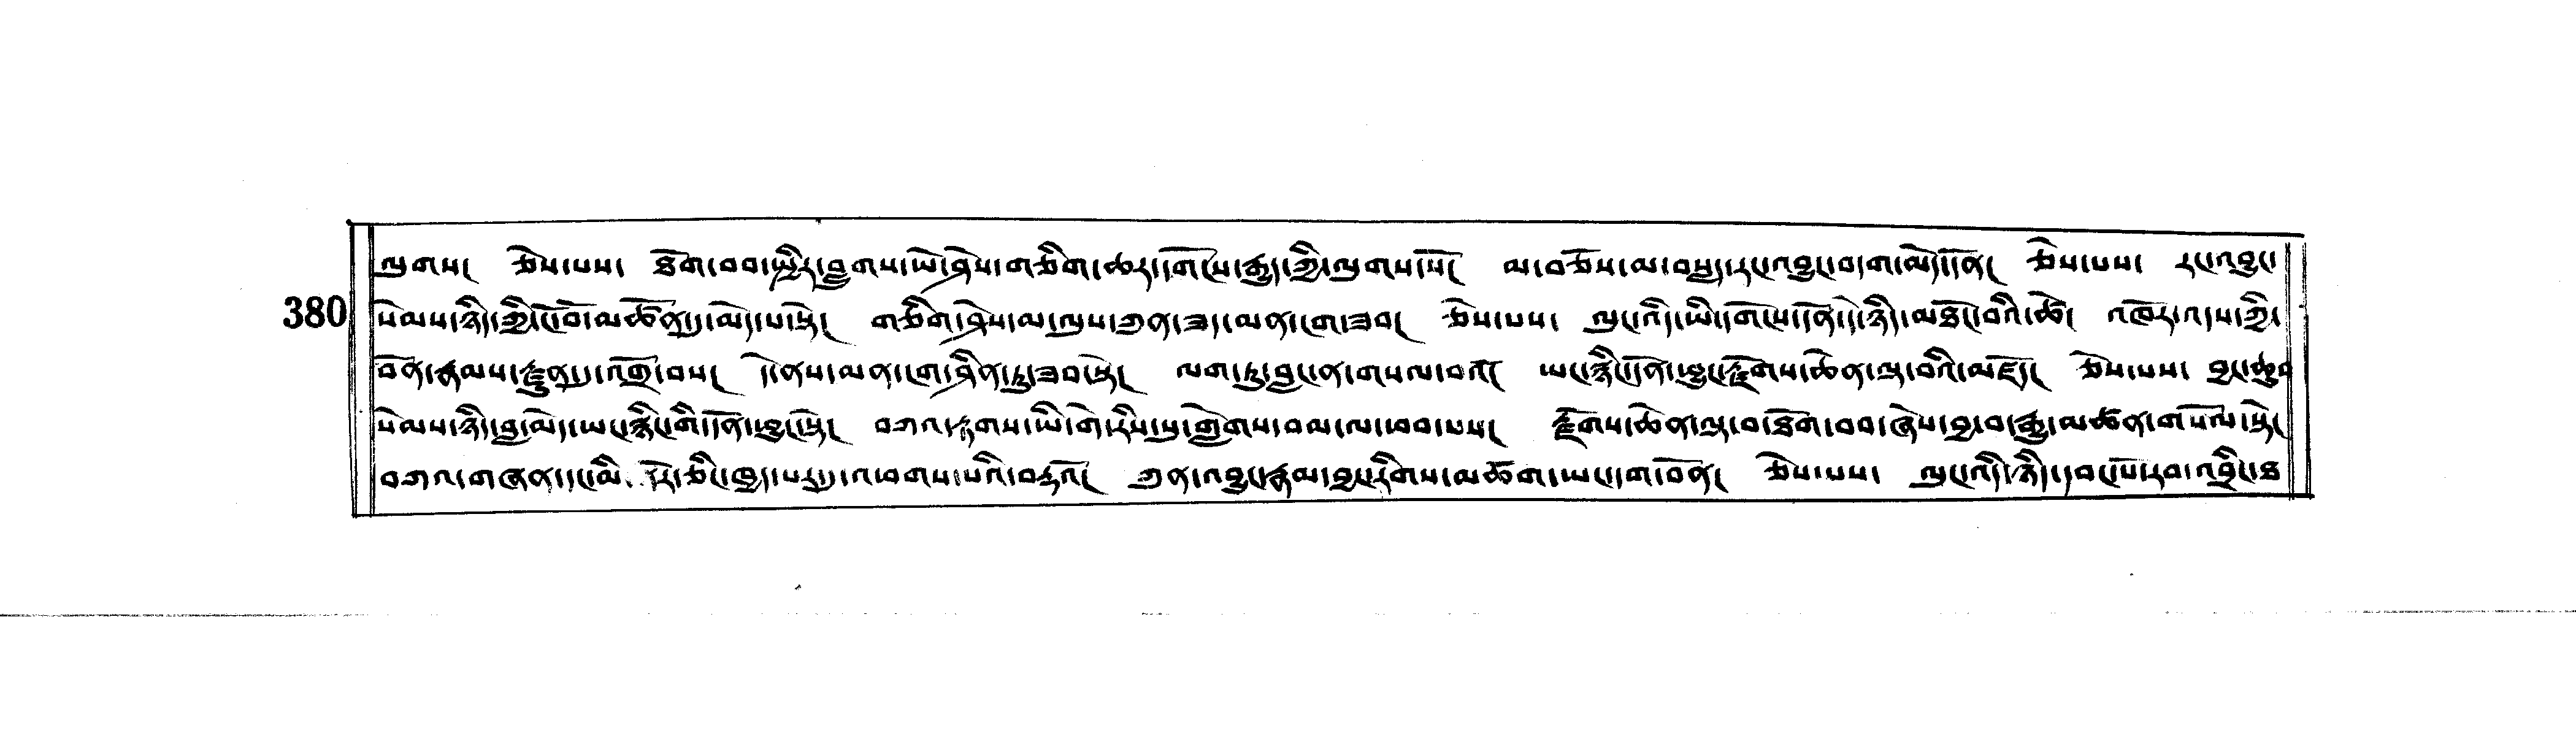ལུགས། ཅེས་པས། ཐོག་བབ་སྤྱིར་བླུགས་ཡེ་ཤེས་གཅིག་ཅར་དགོངས་རྒྱུད་ཀྱི་ལུགས་སོ། མ་བཅོས་མ་བསླད་རང་འབྱུང་བདག་མེད་དོན། ཅེས་པས། རང་འབྱུང་
སེམས་ཉིད་ཀྱི་ངོ་བོ་མཚོན་དུ་མེད་པ་སྟེ། གཅིག་ཤེས་མ་ལུས་ཀུན་ཟད་མན་ངག་ཟབ། ཅེས་པས། ལུང་འདི་ཡི་དགོངས་དོན་དེ་ཉིད་མཐོང་བའི་ཚེ། འཁོར་འདས་ཀྱི་
བོན་རྣམས་རྫུན་དུ་འགྲོ་བས། དེ་ནས་མན་ངག་ཤིན་ཏུ་ཟབ་སྟེ། ལག་ཏུ་བླང་ན་གསལ་བའོ། ཡང་སྙིང་དོན་ཕྱུང་རྫོགས་ཆེན་ལྟ་བའི་མཛོད། ཅེས་པས། བྱང་ཆུབ་
སེམས་ཉིད་བླ་མེད་ཡང་སྙིང་གི་དོན་ཕྱུང་སྟེ། བཀའ་རྟགས་ཡི་གེ་རིས་སུ་གླེགས་བམ་ལ་ཕབ་པས། རྫོགས་ཆེན་ལྟ་བ་ཐོག་དབབ་ཅེས་བྱ་བ་རྒྱུ་མཚན་གསོལ་ཏེ། 
བཀའ་གཞན་དང་མི་ནོར་ཅིང་ཁྱད་པར་དུ་འཕགས་པའི་བརྡའོ། ཀུན་འབྱུང་རྣམ་བྱང་རིག་མཆོག་ཡང་དག་བོན། ཅེས་པས། ལུང་འདི་ཉིད་དབང་པོ་རབ་འབྲིང་ཐ་